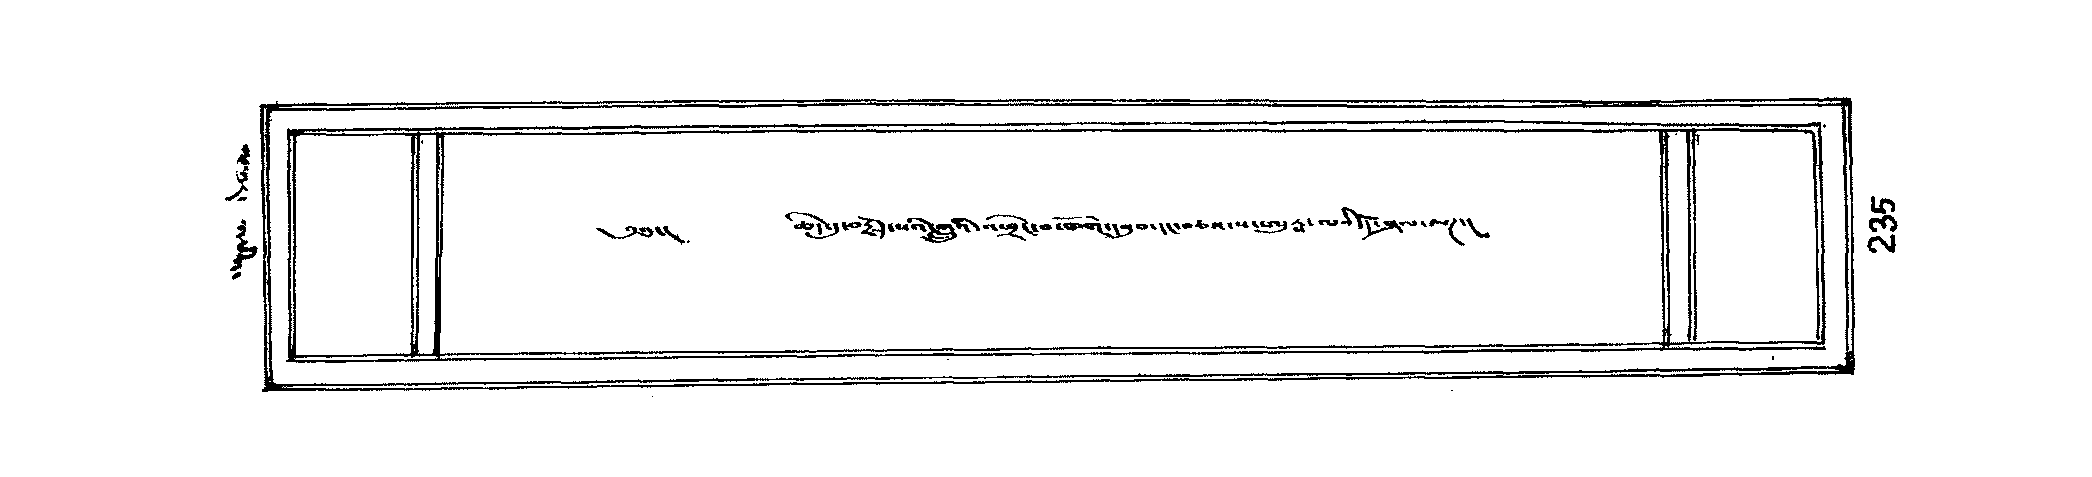༄༅། ཆེད་དུ་བརྗོད་པའི་གླུའི་ཕྲེང་བ་ཁོག་དབུབ་དང་བཅས་པ་ཨུཏྤལའི་དོ་ཤལ་ལགས།